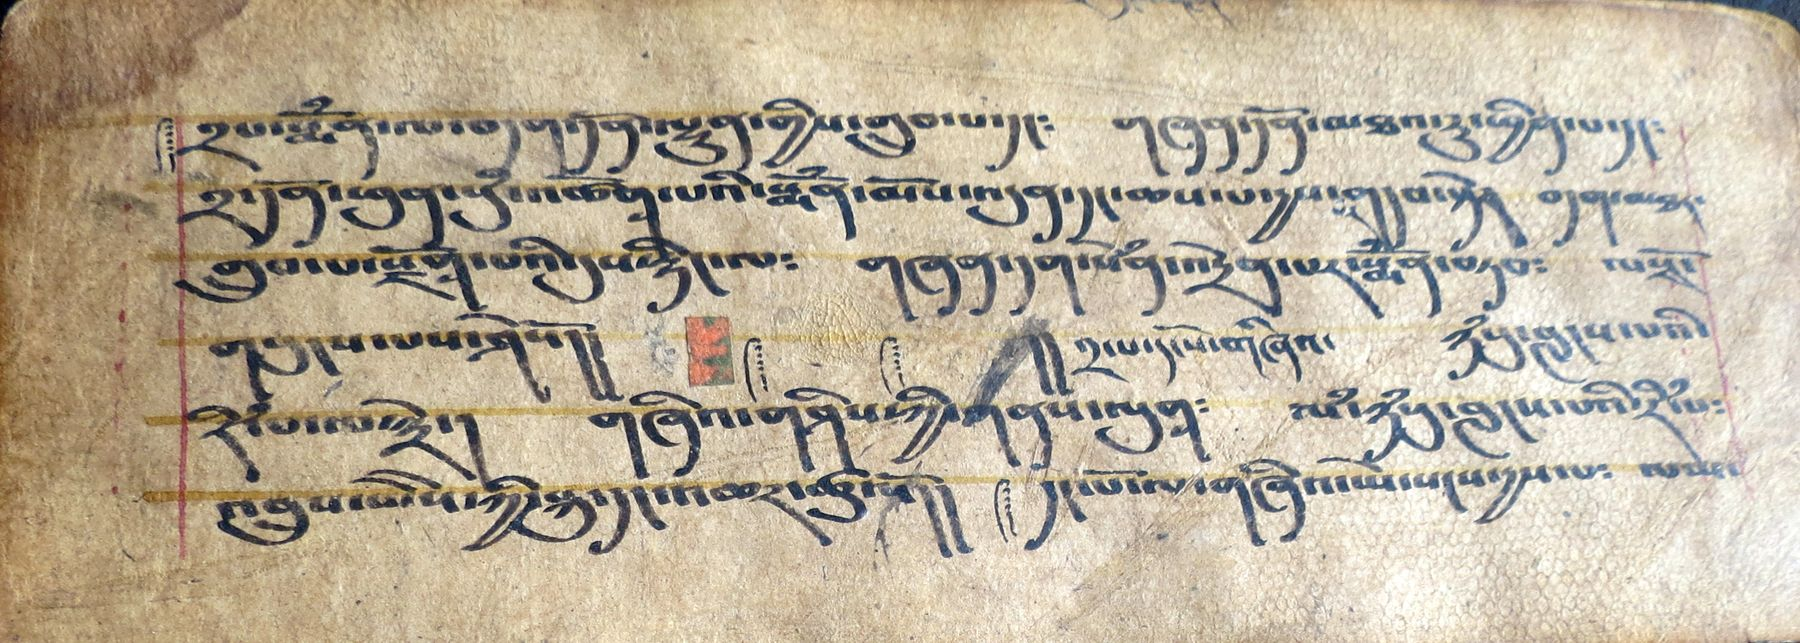གཉིས་པ་སྨོན་ལམ། བདག་དོན་ལྷུན་གྱིས་འགྲུབ་པ་དང་གཞན་དོན་མཐའ་རུ་ཕྱིན་པ་དང་། 
གཉིས་དོན་ཕུན་སུམ་ཚོགས་པའི་སྨོན་ལམ་མོས་འདུན་དང་ཆས་པས་རྒྱས་པར་གདབ་སྟེ། བདག་མཐར་
གྲུབ་པ་རྫོགས་པའི་དུས་རྟིང་ལ། གཞན་དག་སེམས་ཅན་འདྲེན་པར་སྨོན་ལམ་བཏབ། ལ་སོགས་
གསུངས་པས་ཤེས་སོ། ། གཉིས་པ་དངོས་གཞི་ཉམས་སུ་བླངས་པའི་
རིམ་པ་ལ་གསུམ་སྟེ། གཞི་གཤིས་ཀྱི་གནས་ལུགས། ལམ་ཉམས་སུ་བླང་བའི་རིམ་པ། 
འབྲས་བུ་སྐུ་དང་ཡེ་ཤེས་འཆར་ཚུལ་ལོ། དང་པོ་ལ། གཞི་ཡེ་སངས་རྒྱས་པ། ལམ་